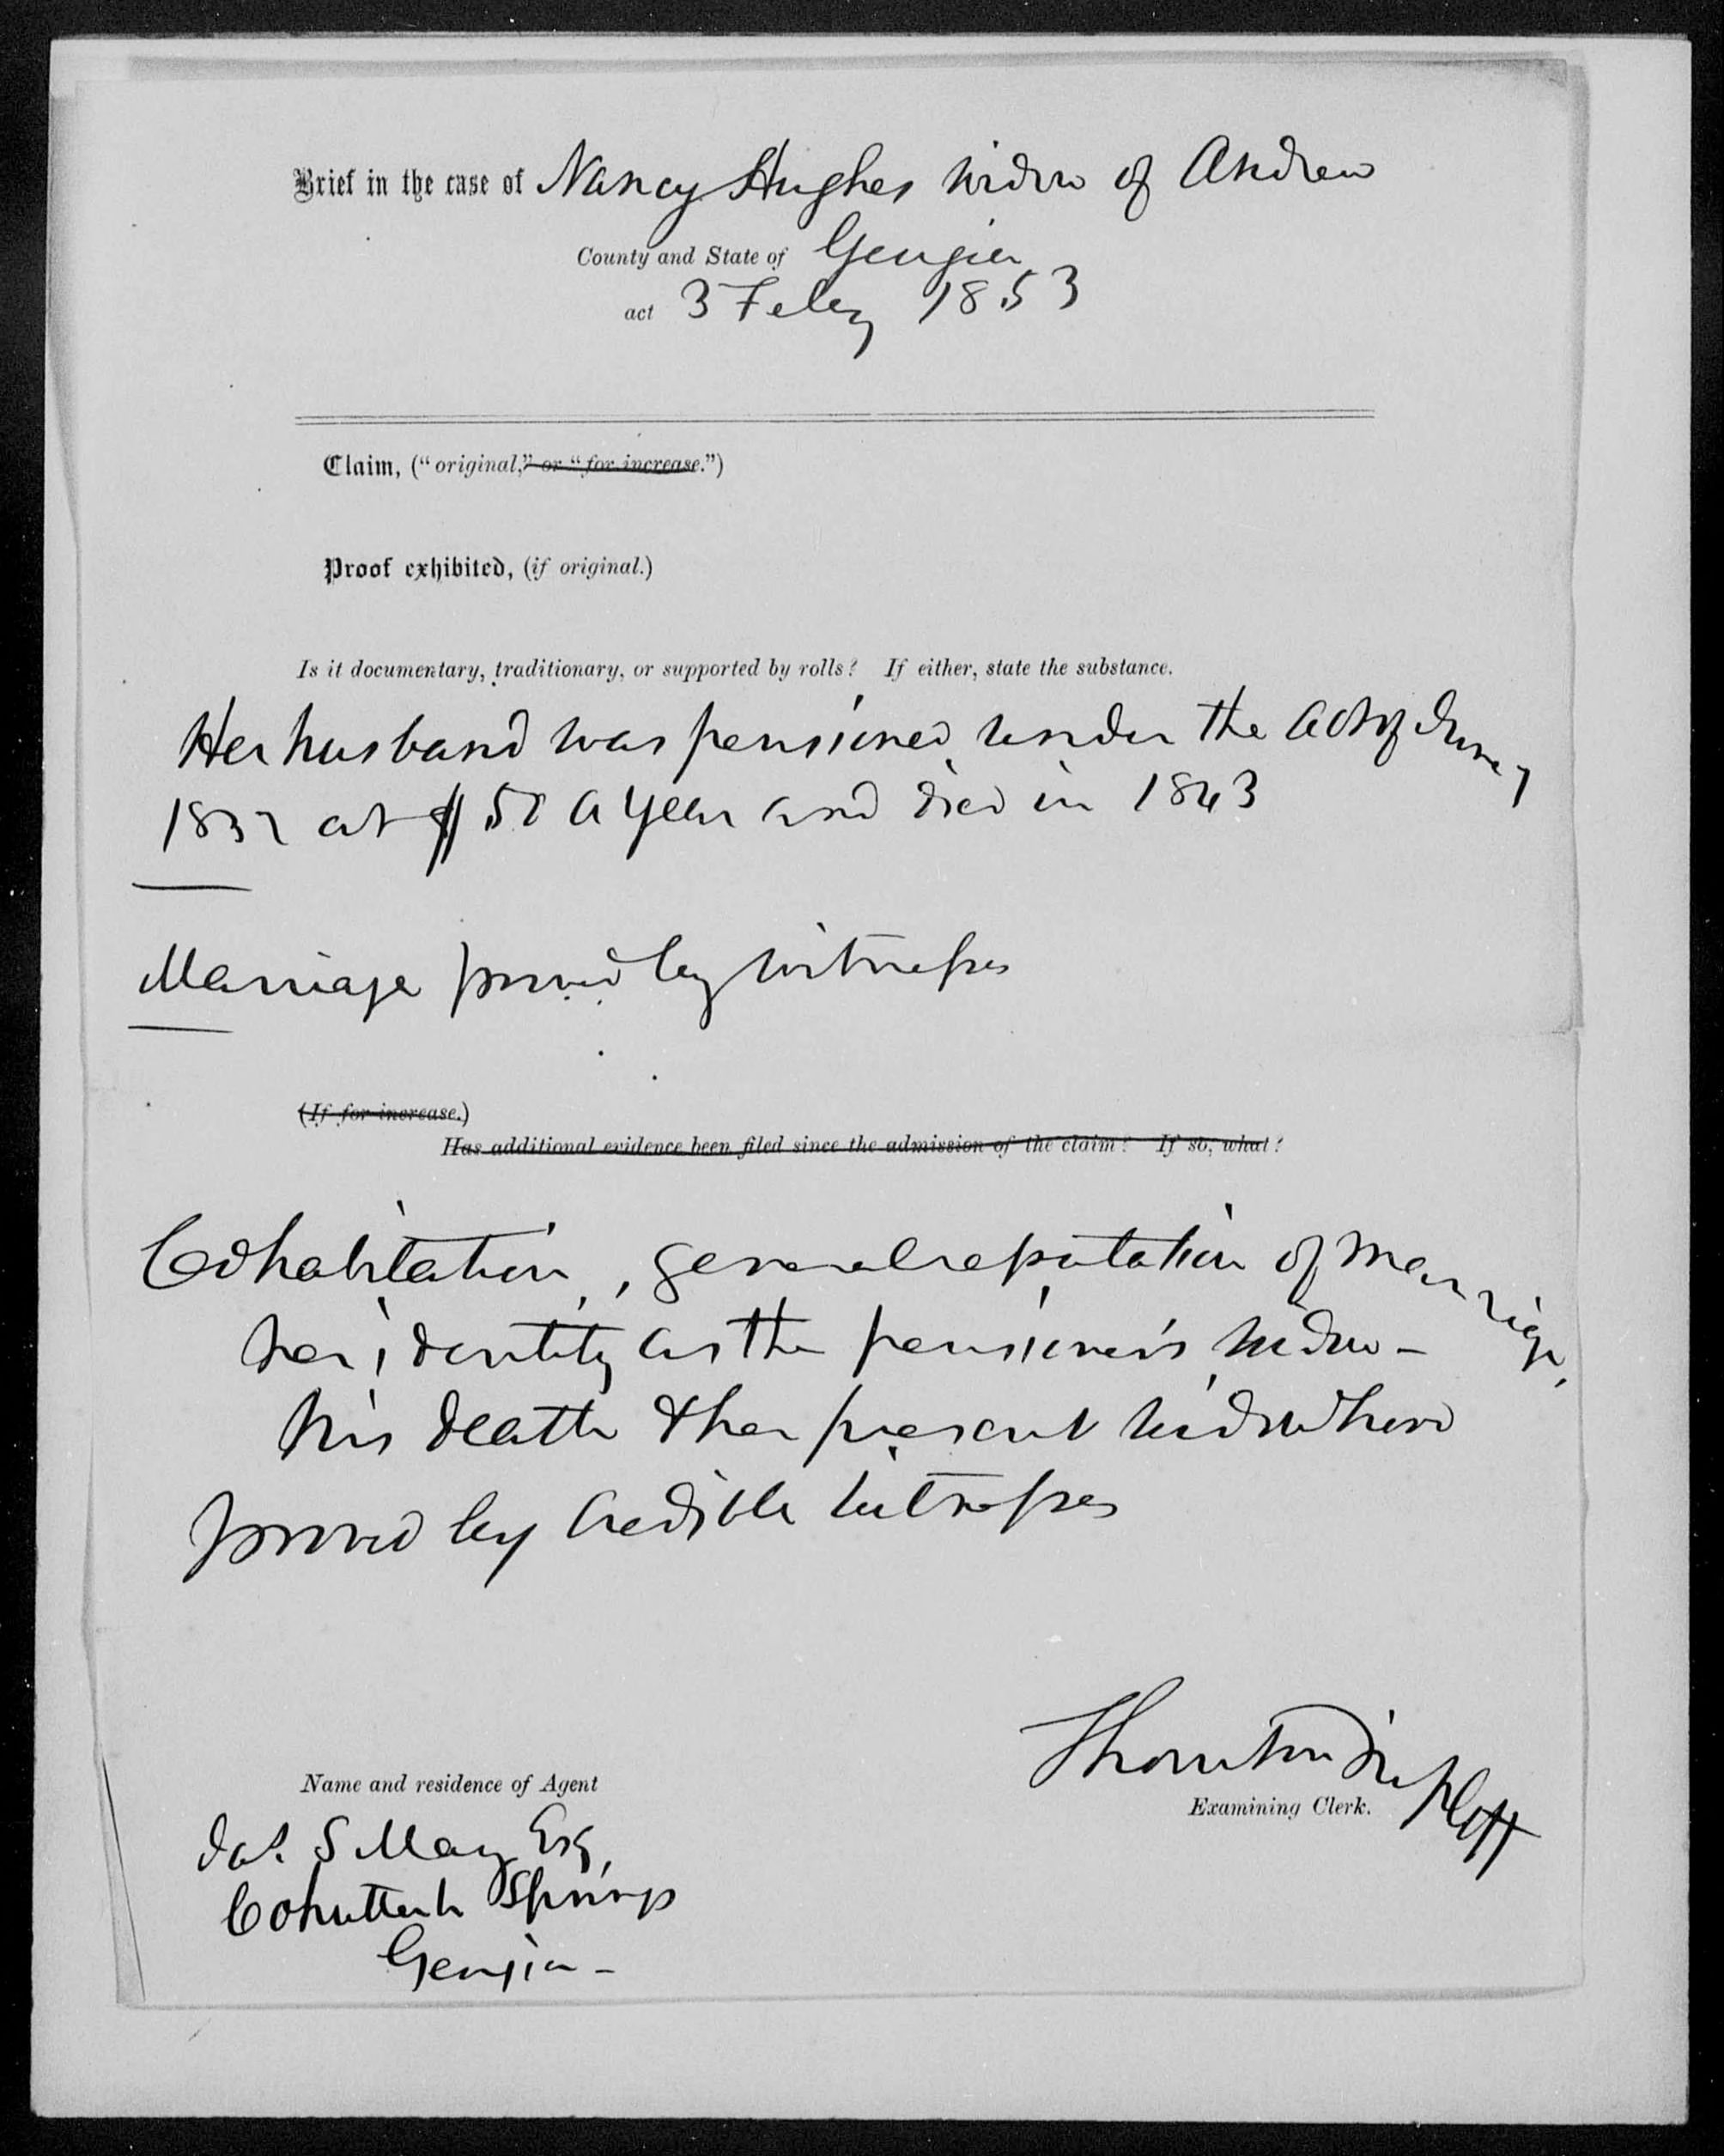Claim, ("original," or for increase [crossed out] ")
Proof exhibited, (if original)
 Is it documentary, traditionary, or supported by rolls? If either, state the substance. 
Her husband was pensioned under the act of June 7 1832 at $50 a year and died in 1843 [1863?] 
Marriage proved by witnesses 

(If for increase) Has additional evidence been filed since the admission of the claim? If so, what?  Crossed out

Cohabitation, general reputation of marriage,  her [illegible] as the pensioners widow -his death & her present widow then proved by  credible witnesses 
 Name and residence of Agent 
Jas S May Esq.         Thornton Triplett
 Cohuttah Springs      Examining Clerk
 Georgia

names: Jas S May, Thornton Triplett, Nancy Hughes, Andrew Hughes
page: 38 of 75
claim: widow's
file: W. 25805, Andrew Hughes, N.C.